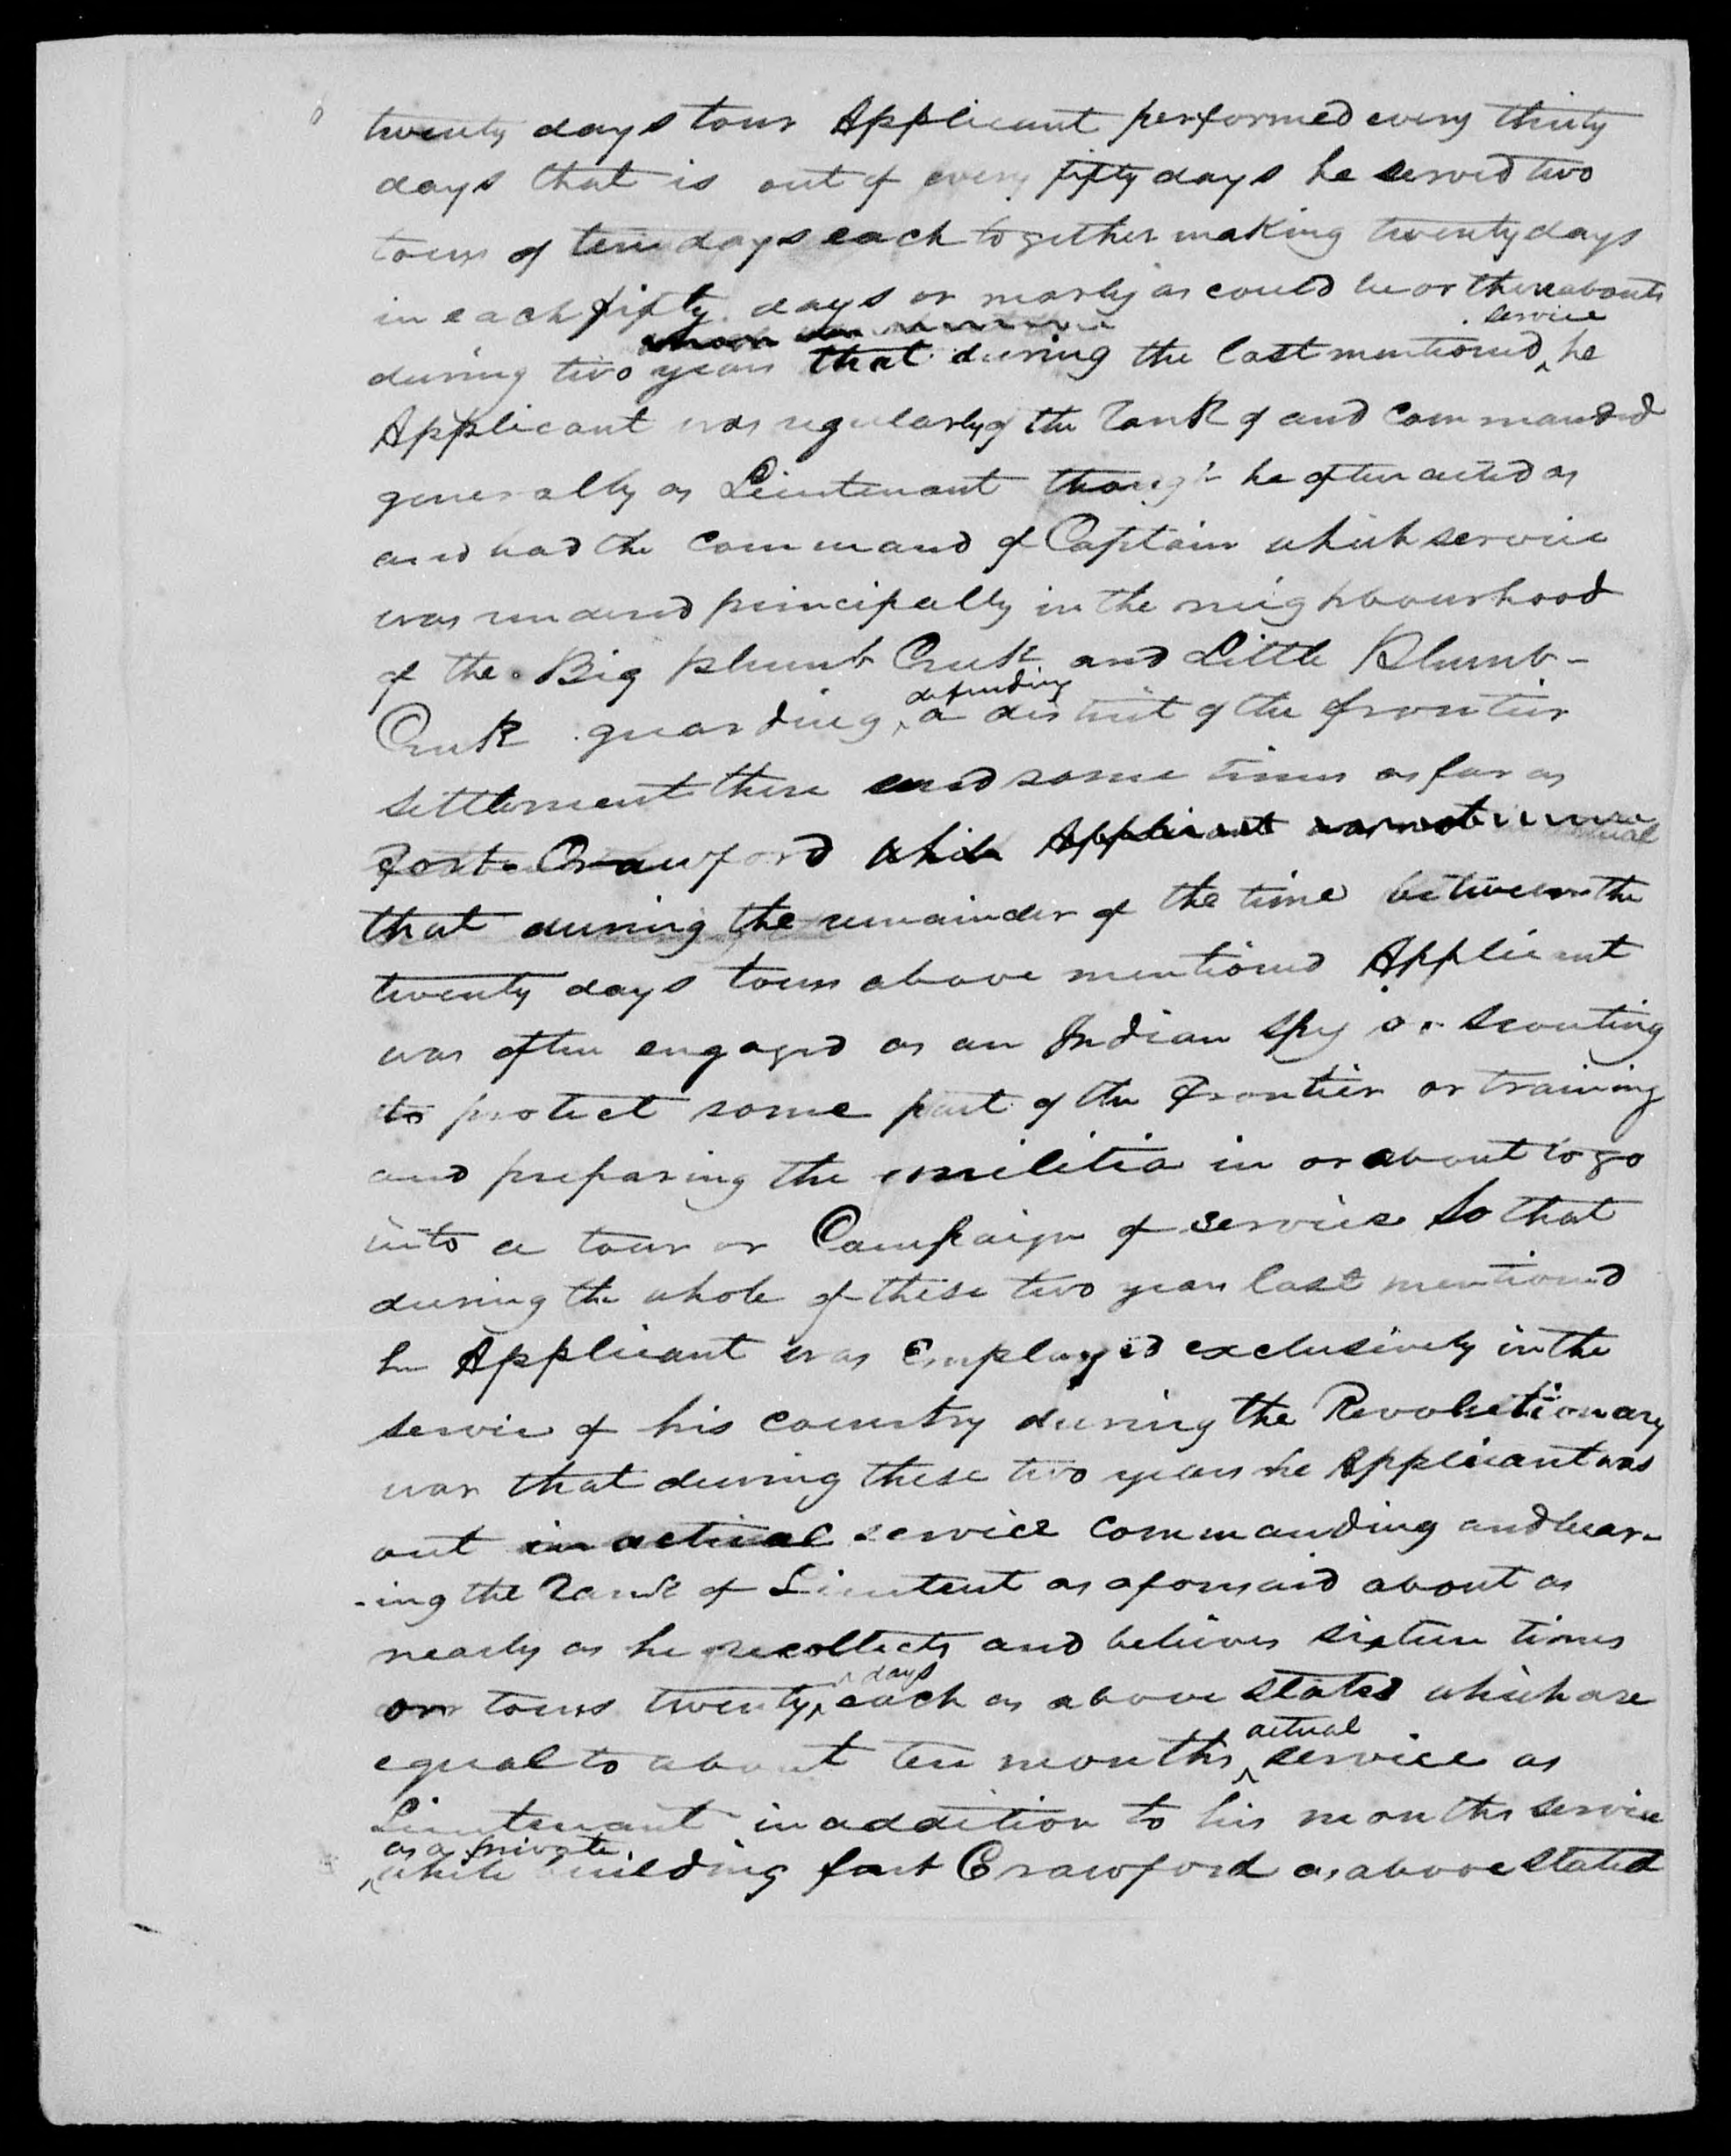twenty days tour Applicant performed every thirty days that is out of every fifty days he served two tours of ten days each together making twenty days in each fifty days or mostly as could be or thereabouts
during two years that during the last mentioned ^ service the Applicant was regularly of the rank of and commanded generally as Lieutenant though he often acted as and had the command of Captain which service was rendered principally in the neighbourhood of the Big Plumb Creek and Little Plumb Creek: guarding defending a district of the frontier settlement there and some times as far as Fort Crawford that during the remainder of the time between the
twenty days tour above mentioned Applicant
was often engaged as an Indian spy or scouting to protect some part of the frontier or training and preparing the militia in or about to go into a tour or campaign of service so that during the whole of these two years last mentioned the Applicant was employed exclusively in the service of his country during the Revolutionary war that during these two years the applicant was out in actual service commanding and bearing the rank of Lieutent [Lieutenant] as aforesaid about as nearly as he recollect and believes sixteen times on tours twenty days such as above stated which are equal to about ten months actual service as
Lieutenant in addition to his months service as a private while building fort Crawford as above stated.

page: 9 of 36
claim: survivor's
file: S. 31,718, James Guffey, Penn.